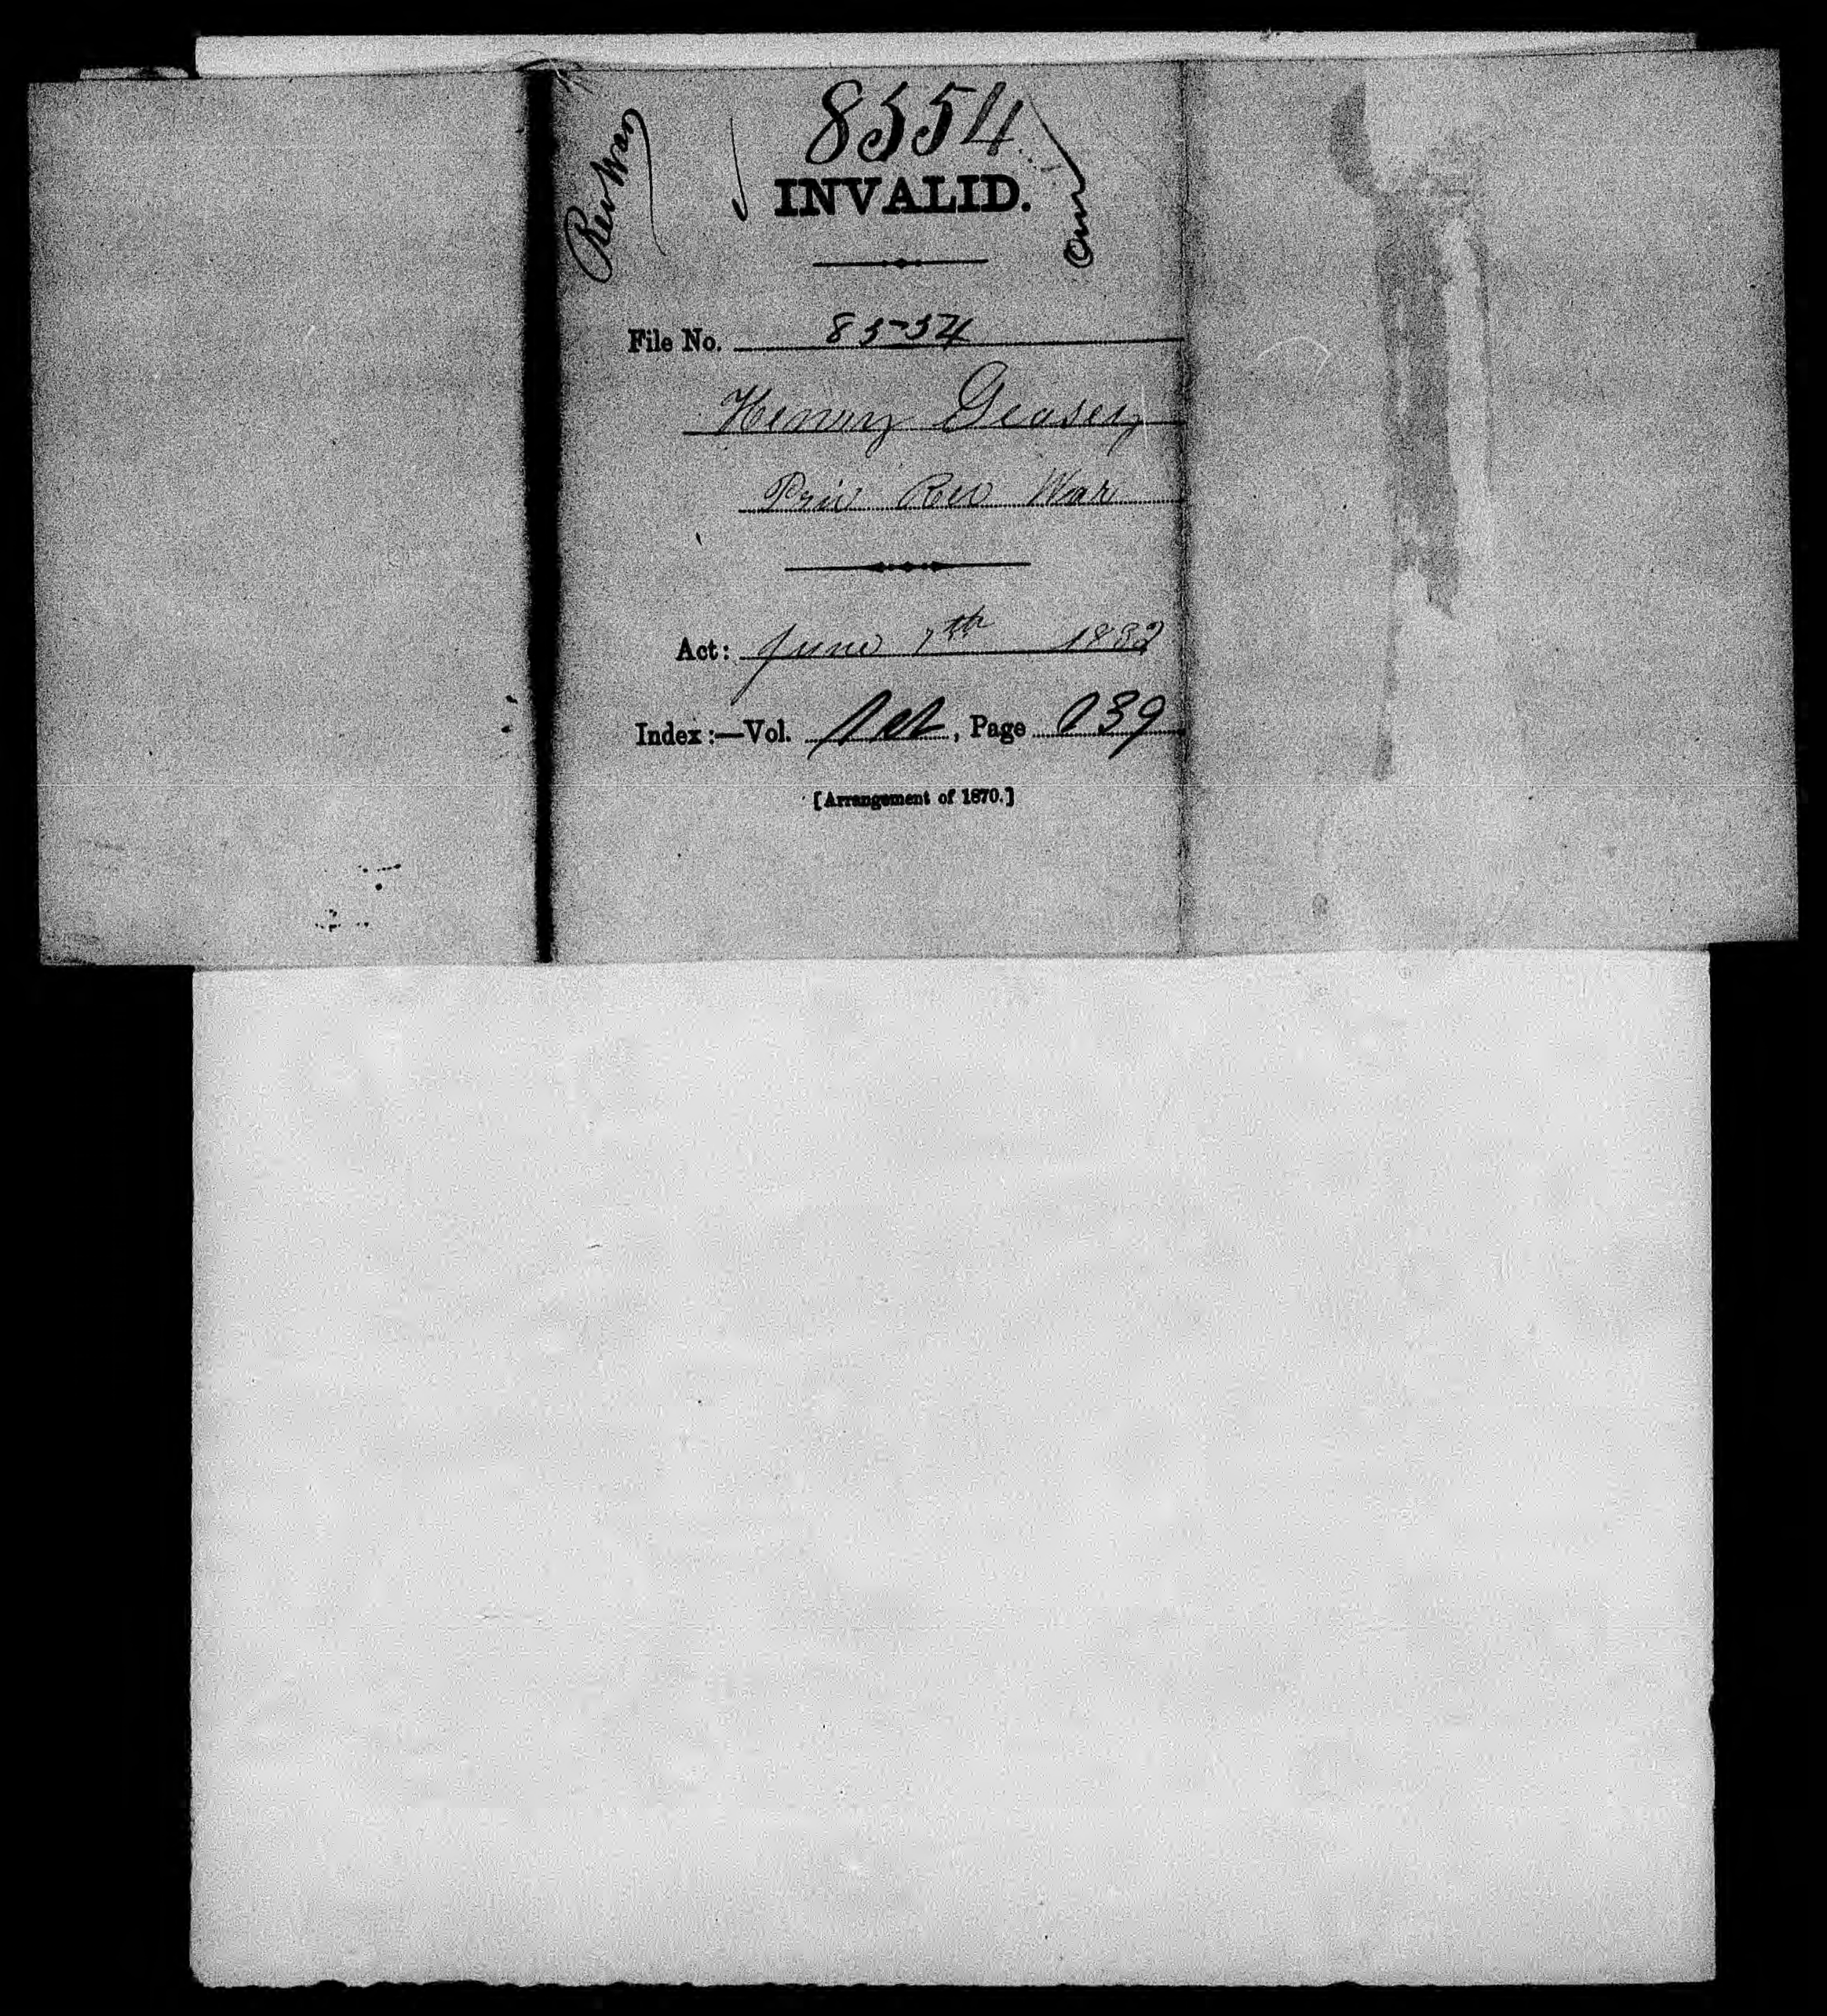Rev War

8554
INVALID

File No. 8554

Henry Geasey

Priv Rev War

Act: June 7th 1832

Index:--Vol.[illegible], Page 039

[Arrangement of 1870.]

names: Henry Geesey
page: 11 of 11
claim: survivor's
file: S. 8554, Henry Geasey, Md.